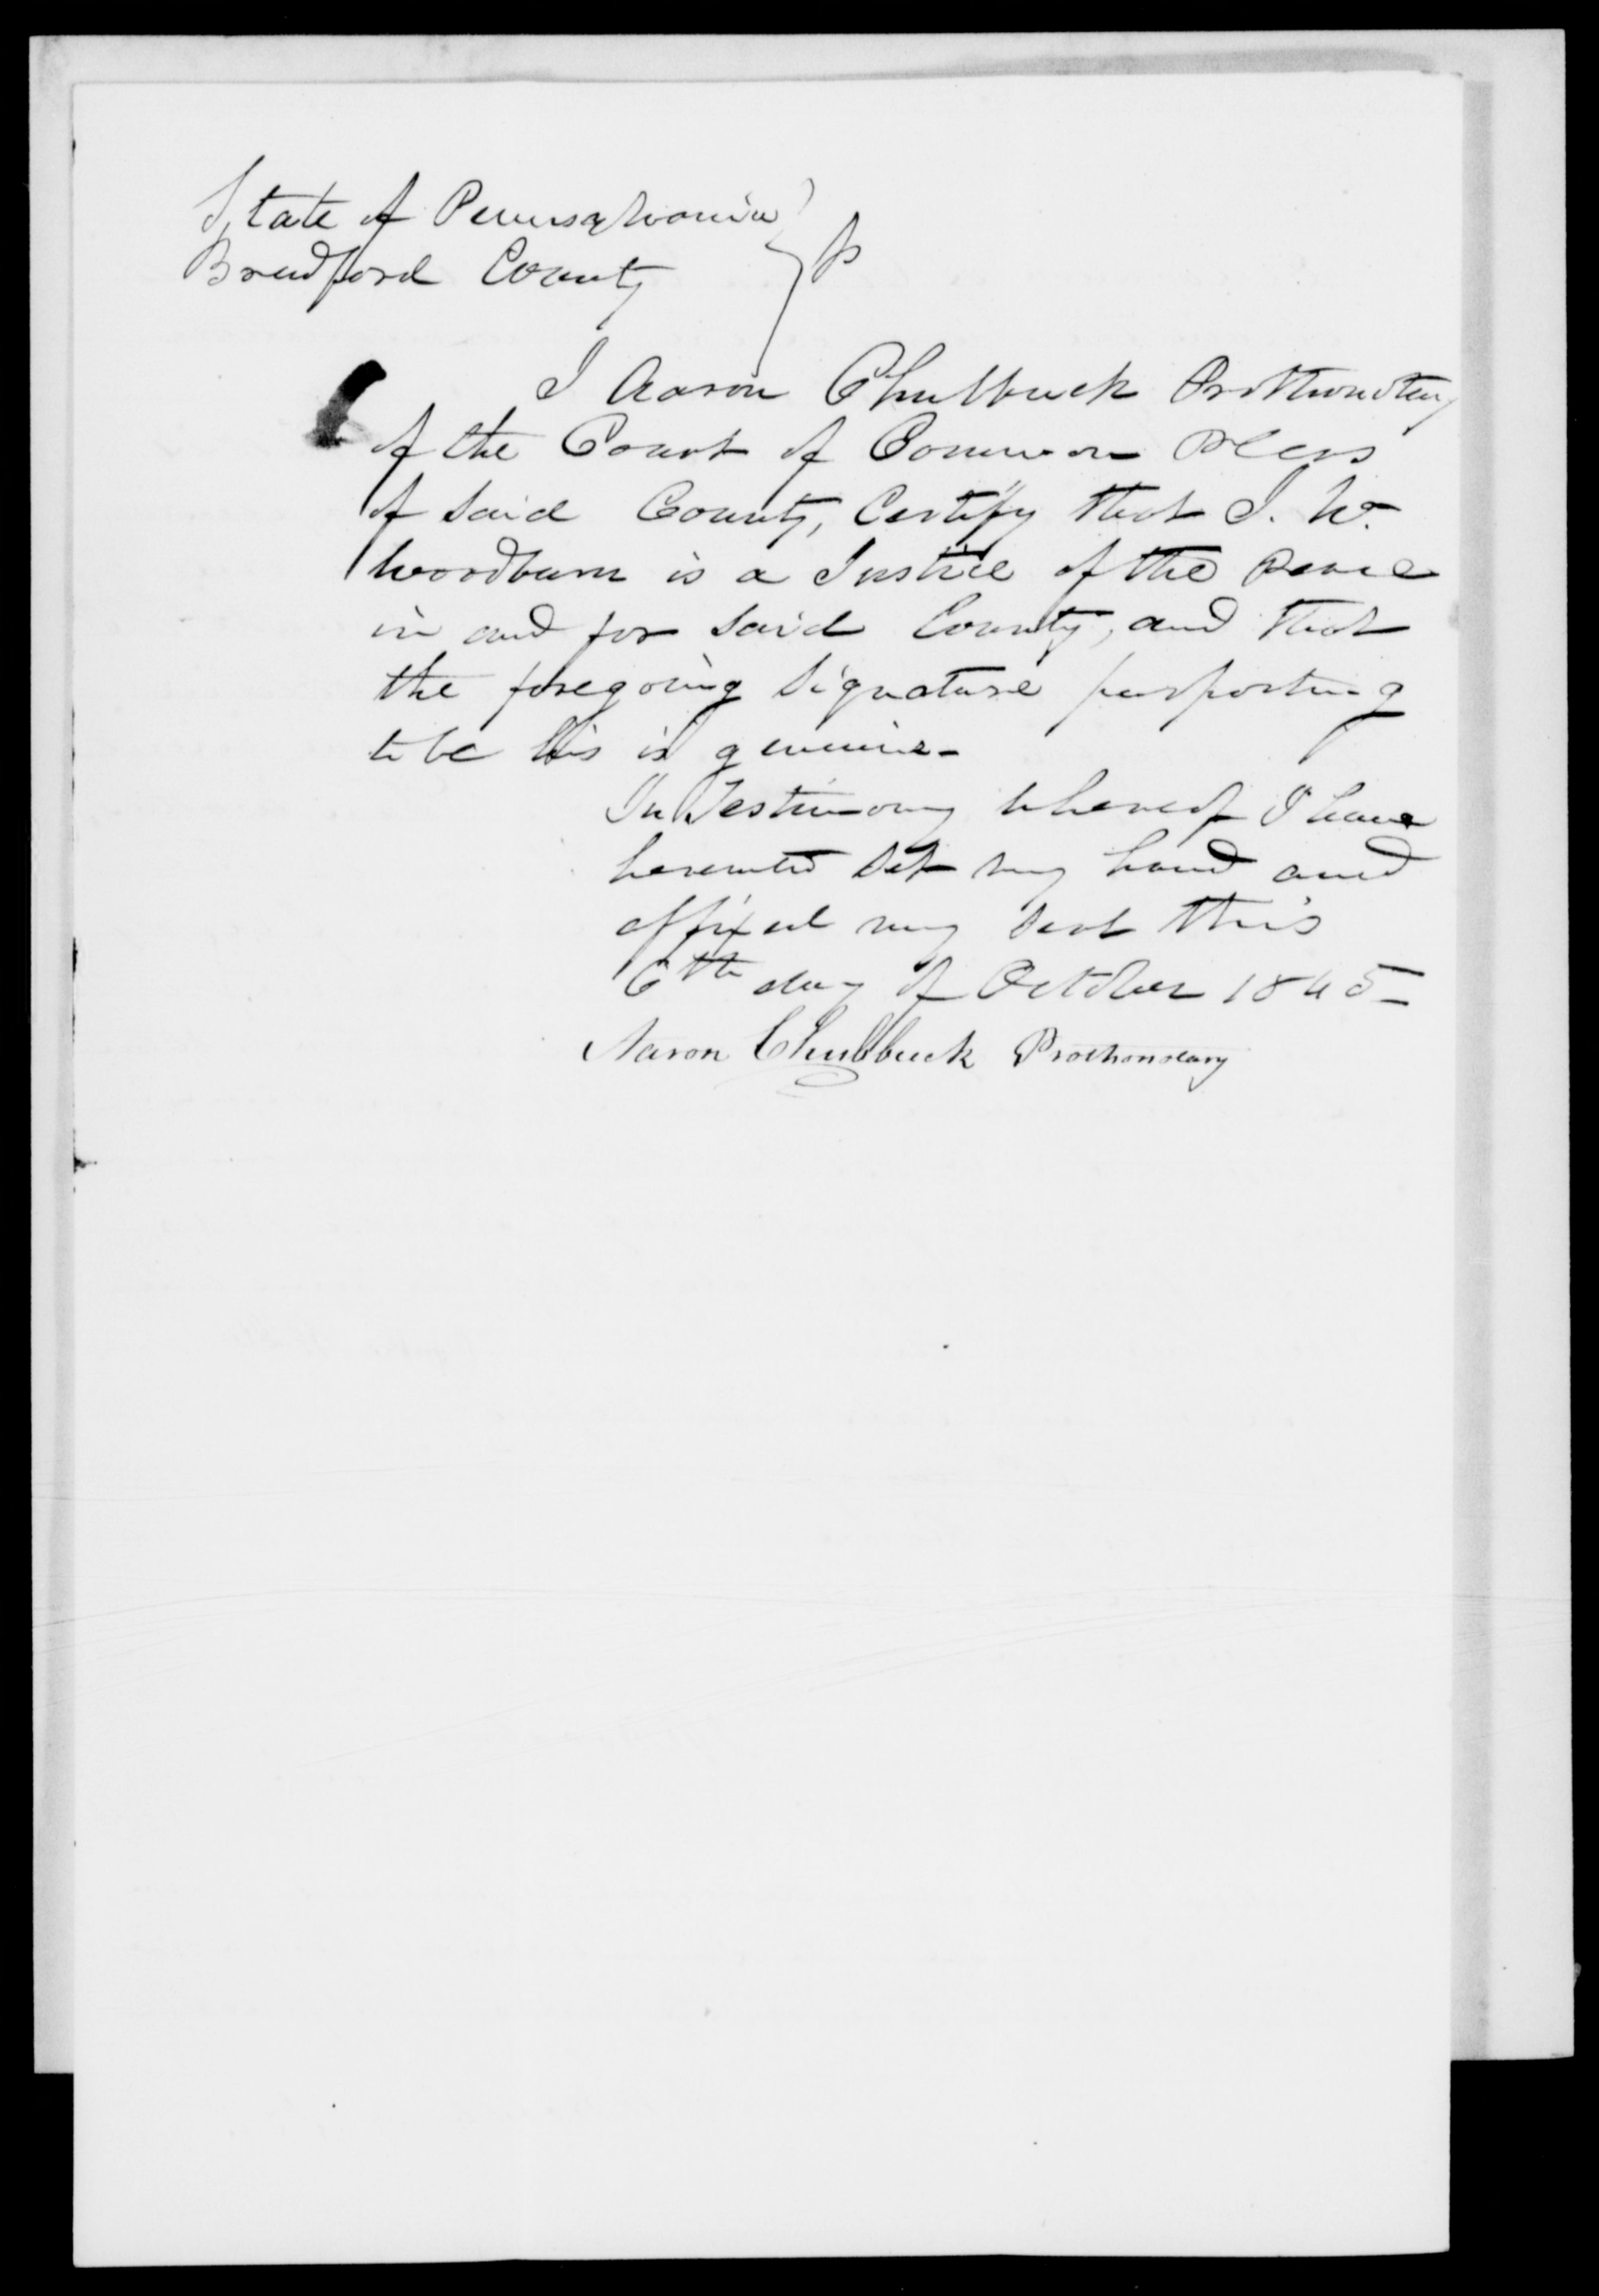State of Pennsylvania}
Bradford County} ss.

I, Aaron Chubbuck, Prothonotary, of the Court of Common Pleas of said County, certify that J. W. Woodburn is a Justice of the peace in and for said County, and that the foregoing Signature purporting to be his is genuine. 

In testimony whereof I have hereunto set my hand and affixed my seal this 6th day of October 1845.

Aaron Chubbuck  Prothonotary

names: Aaron Chubbuck, J W Woodburn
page: 70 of 70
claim: widow's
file: W. 3743, Dan Wattles, Conn.